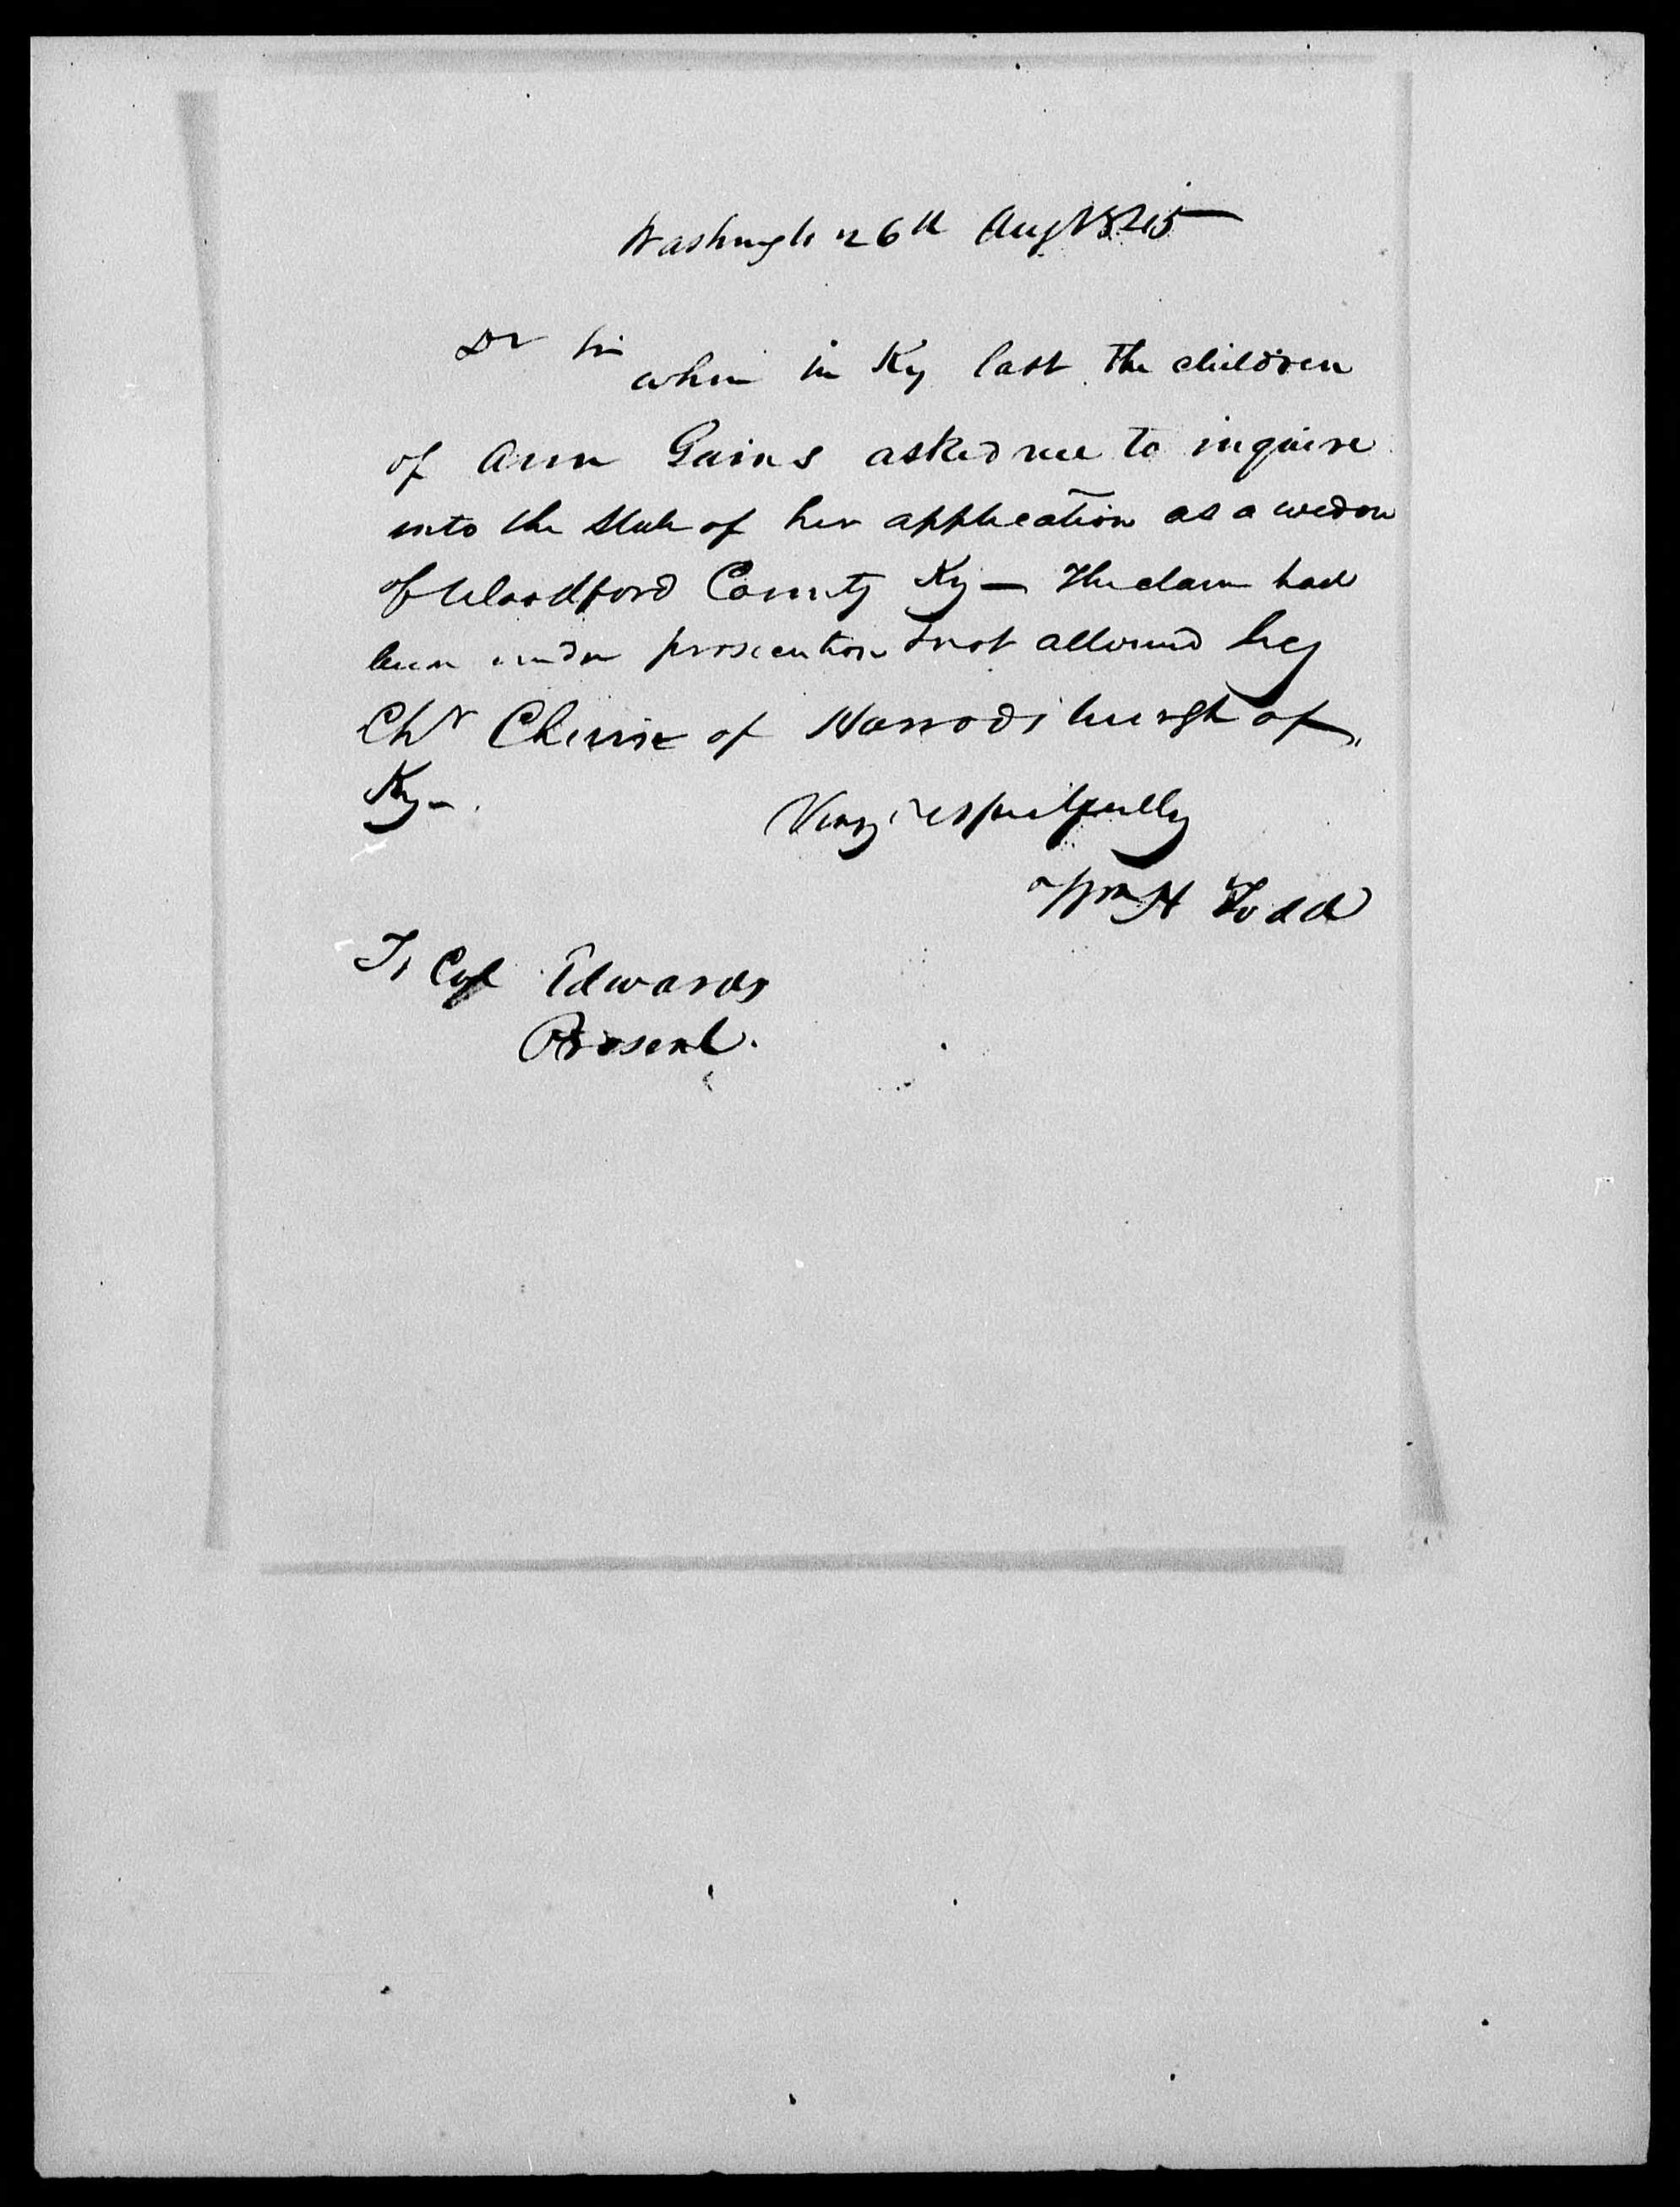Washington 6th Aug 1845
Dr Sir
when in Ky last the children
of Ann Gains asked me to inquire
into the State of her application as a widow
of Woodford County Ky - The claim had 
been under prosecution & not allowed by
Chr Chinn of Harrodsburgh of
Ky-
Very respectfully
Wm H Todd
To Col Edwards
Present.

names: Chr Chinn, Wm H Todd, J Cop Edwards, Ann Gains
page: 79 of 79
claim: rejected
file: R. 3863, Robert Gaines, Va.